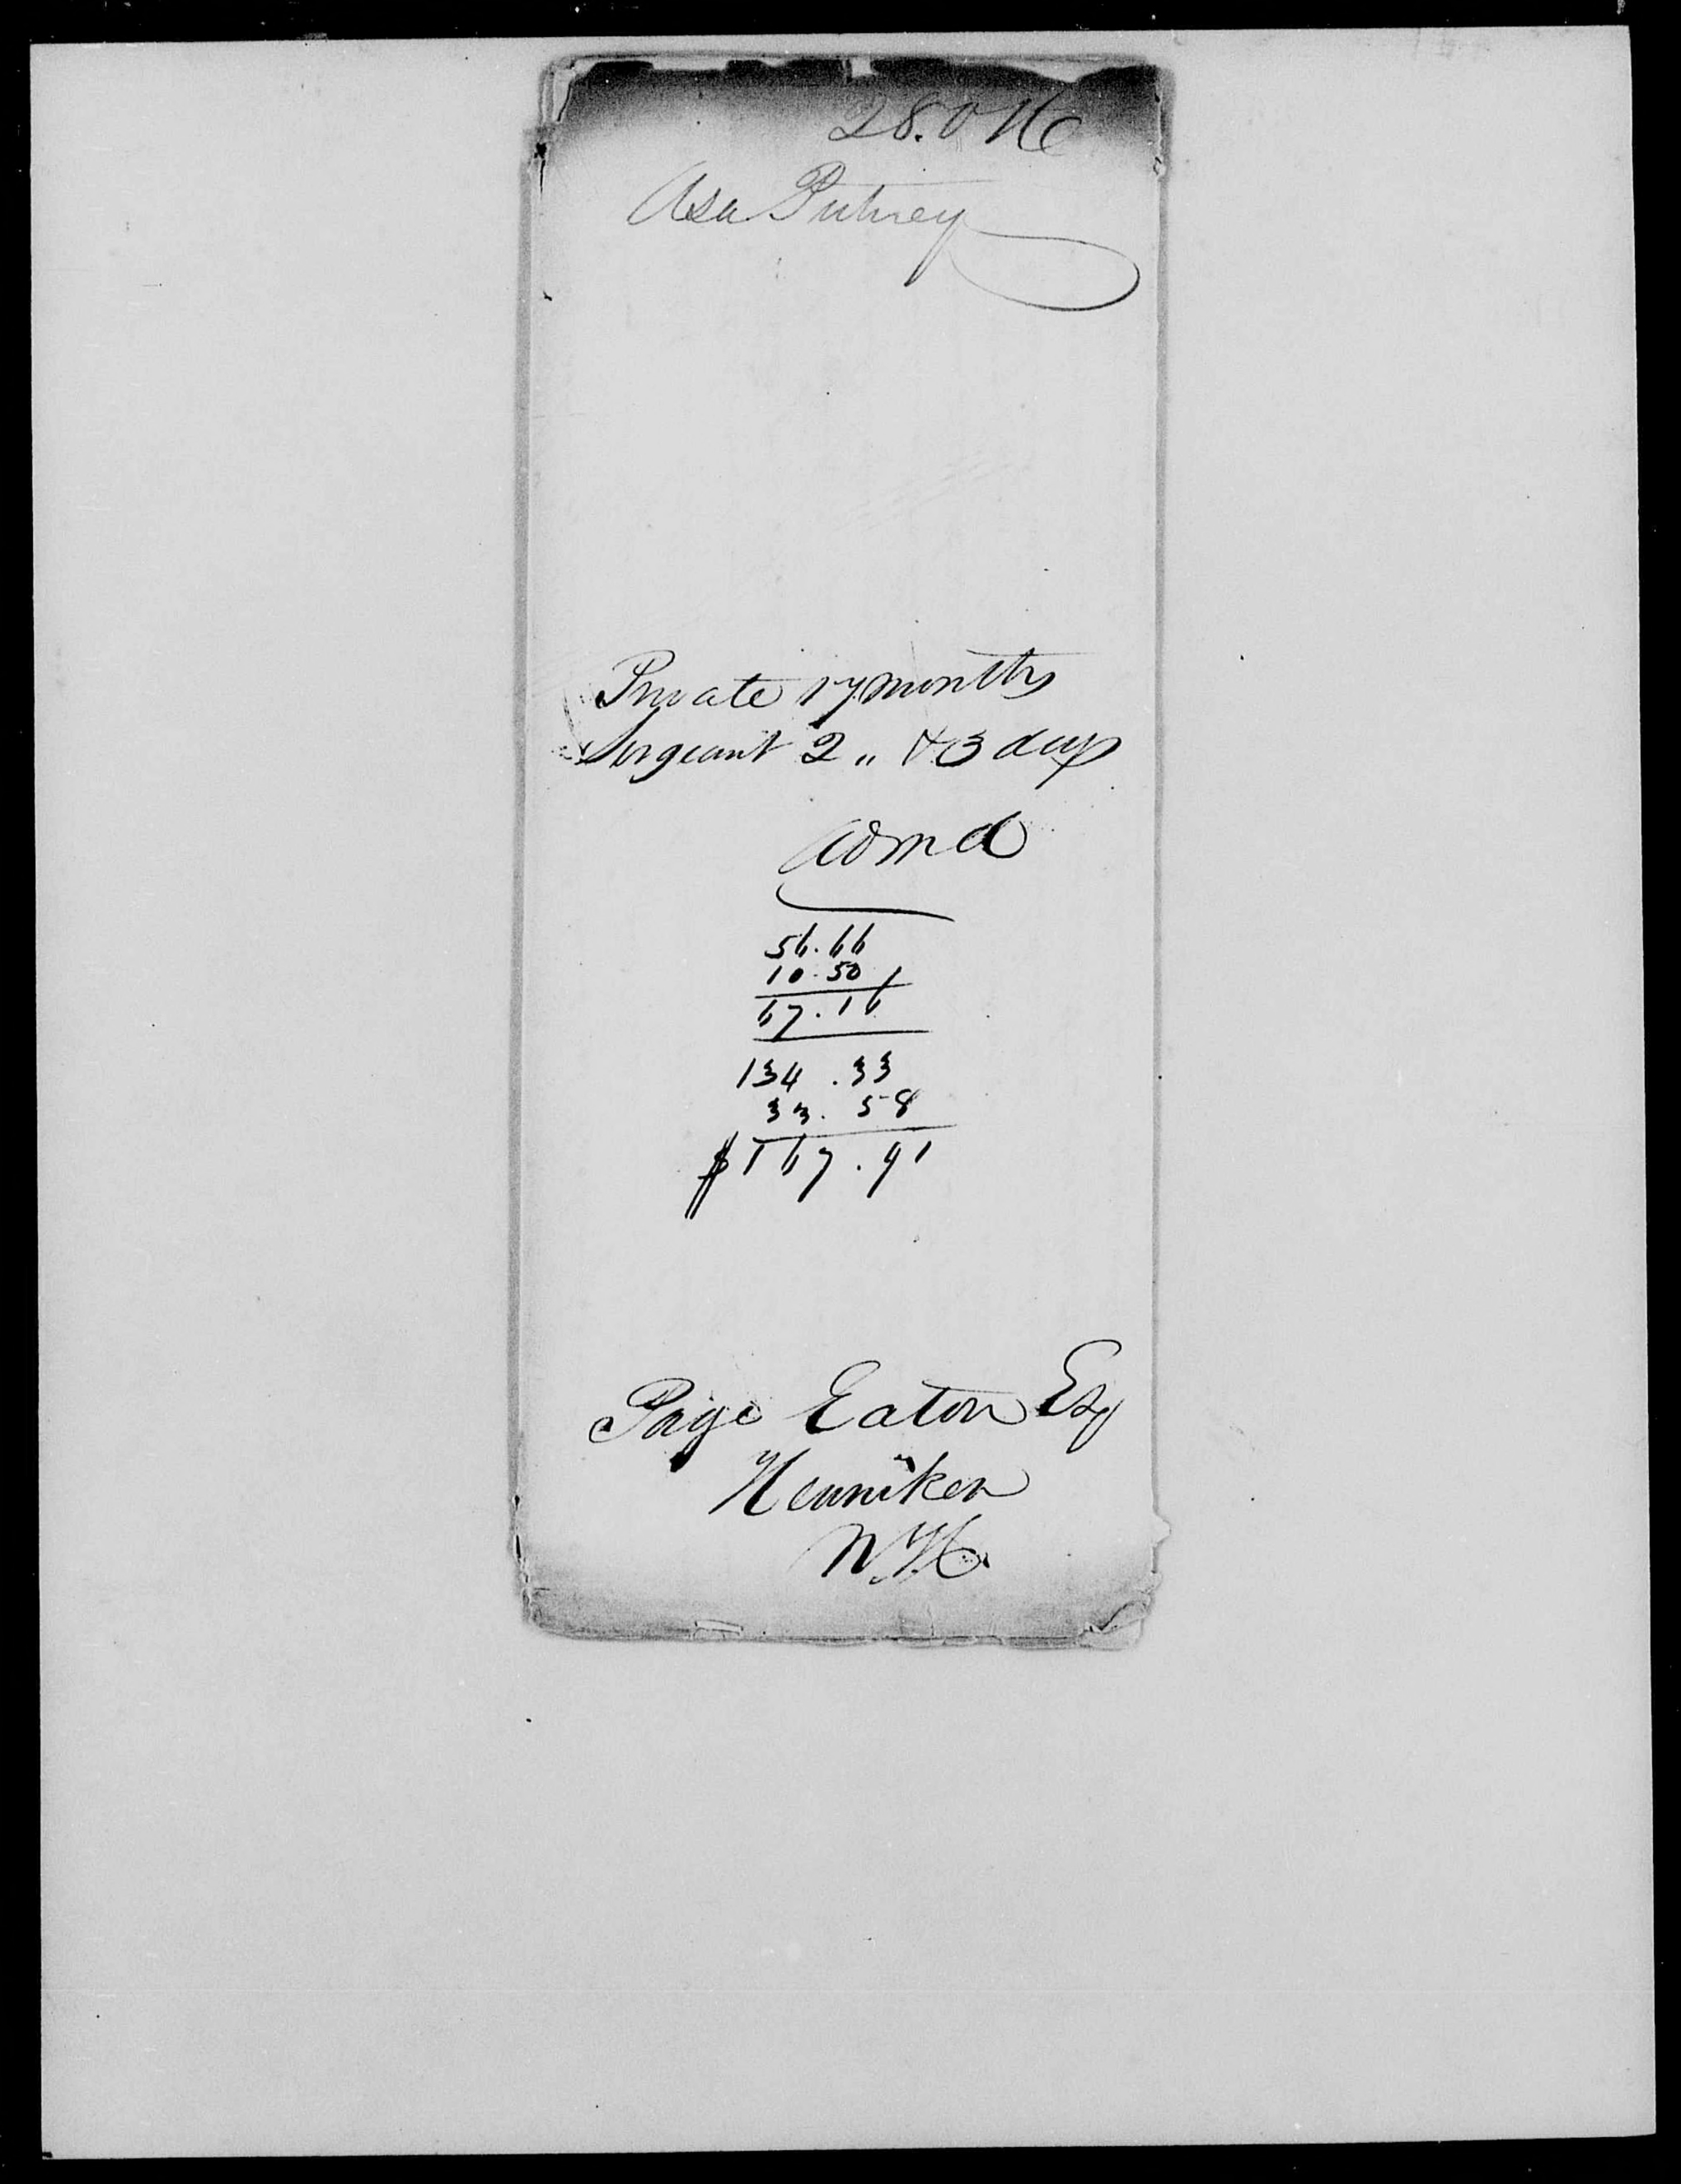28.016

Asa Putney

Private 17 months
Sergeant 2   "  & 3 days

Adm'd

56.66
10.50
_______
67.16
_______
134.33
  33.58
________
$ 167.91

Page Eaton Esq
Henniker
N.H.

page: 5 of 14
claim: survivor's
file: S. 22943, for Asa Putney, New Hampshire